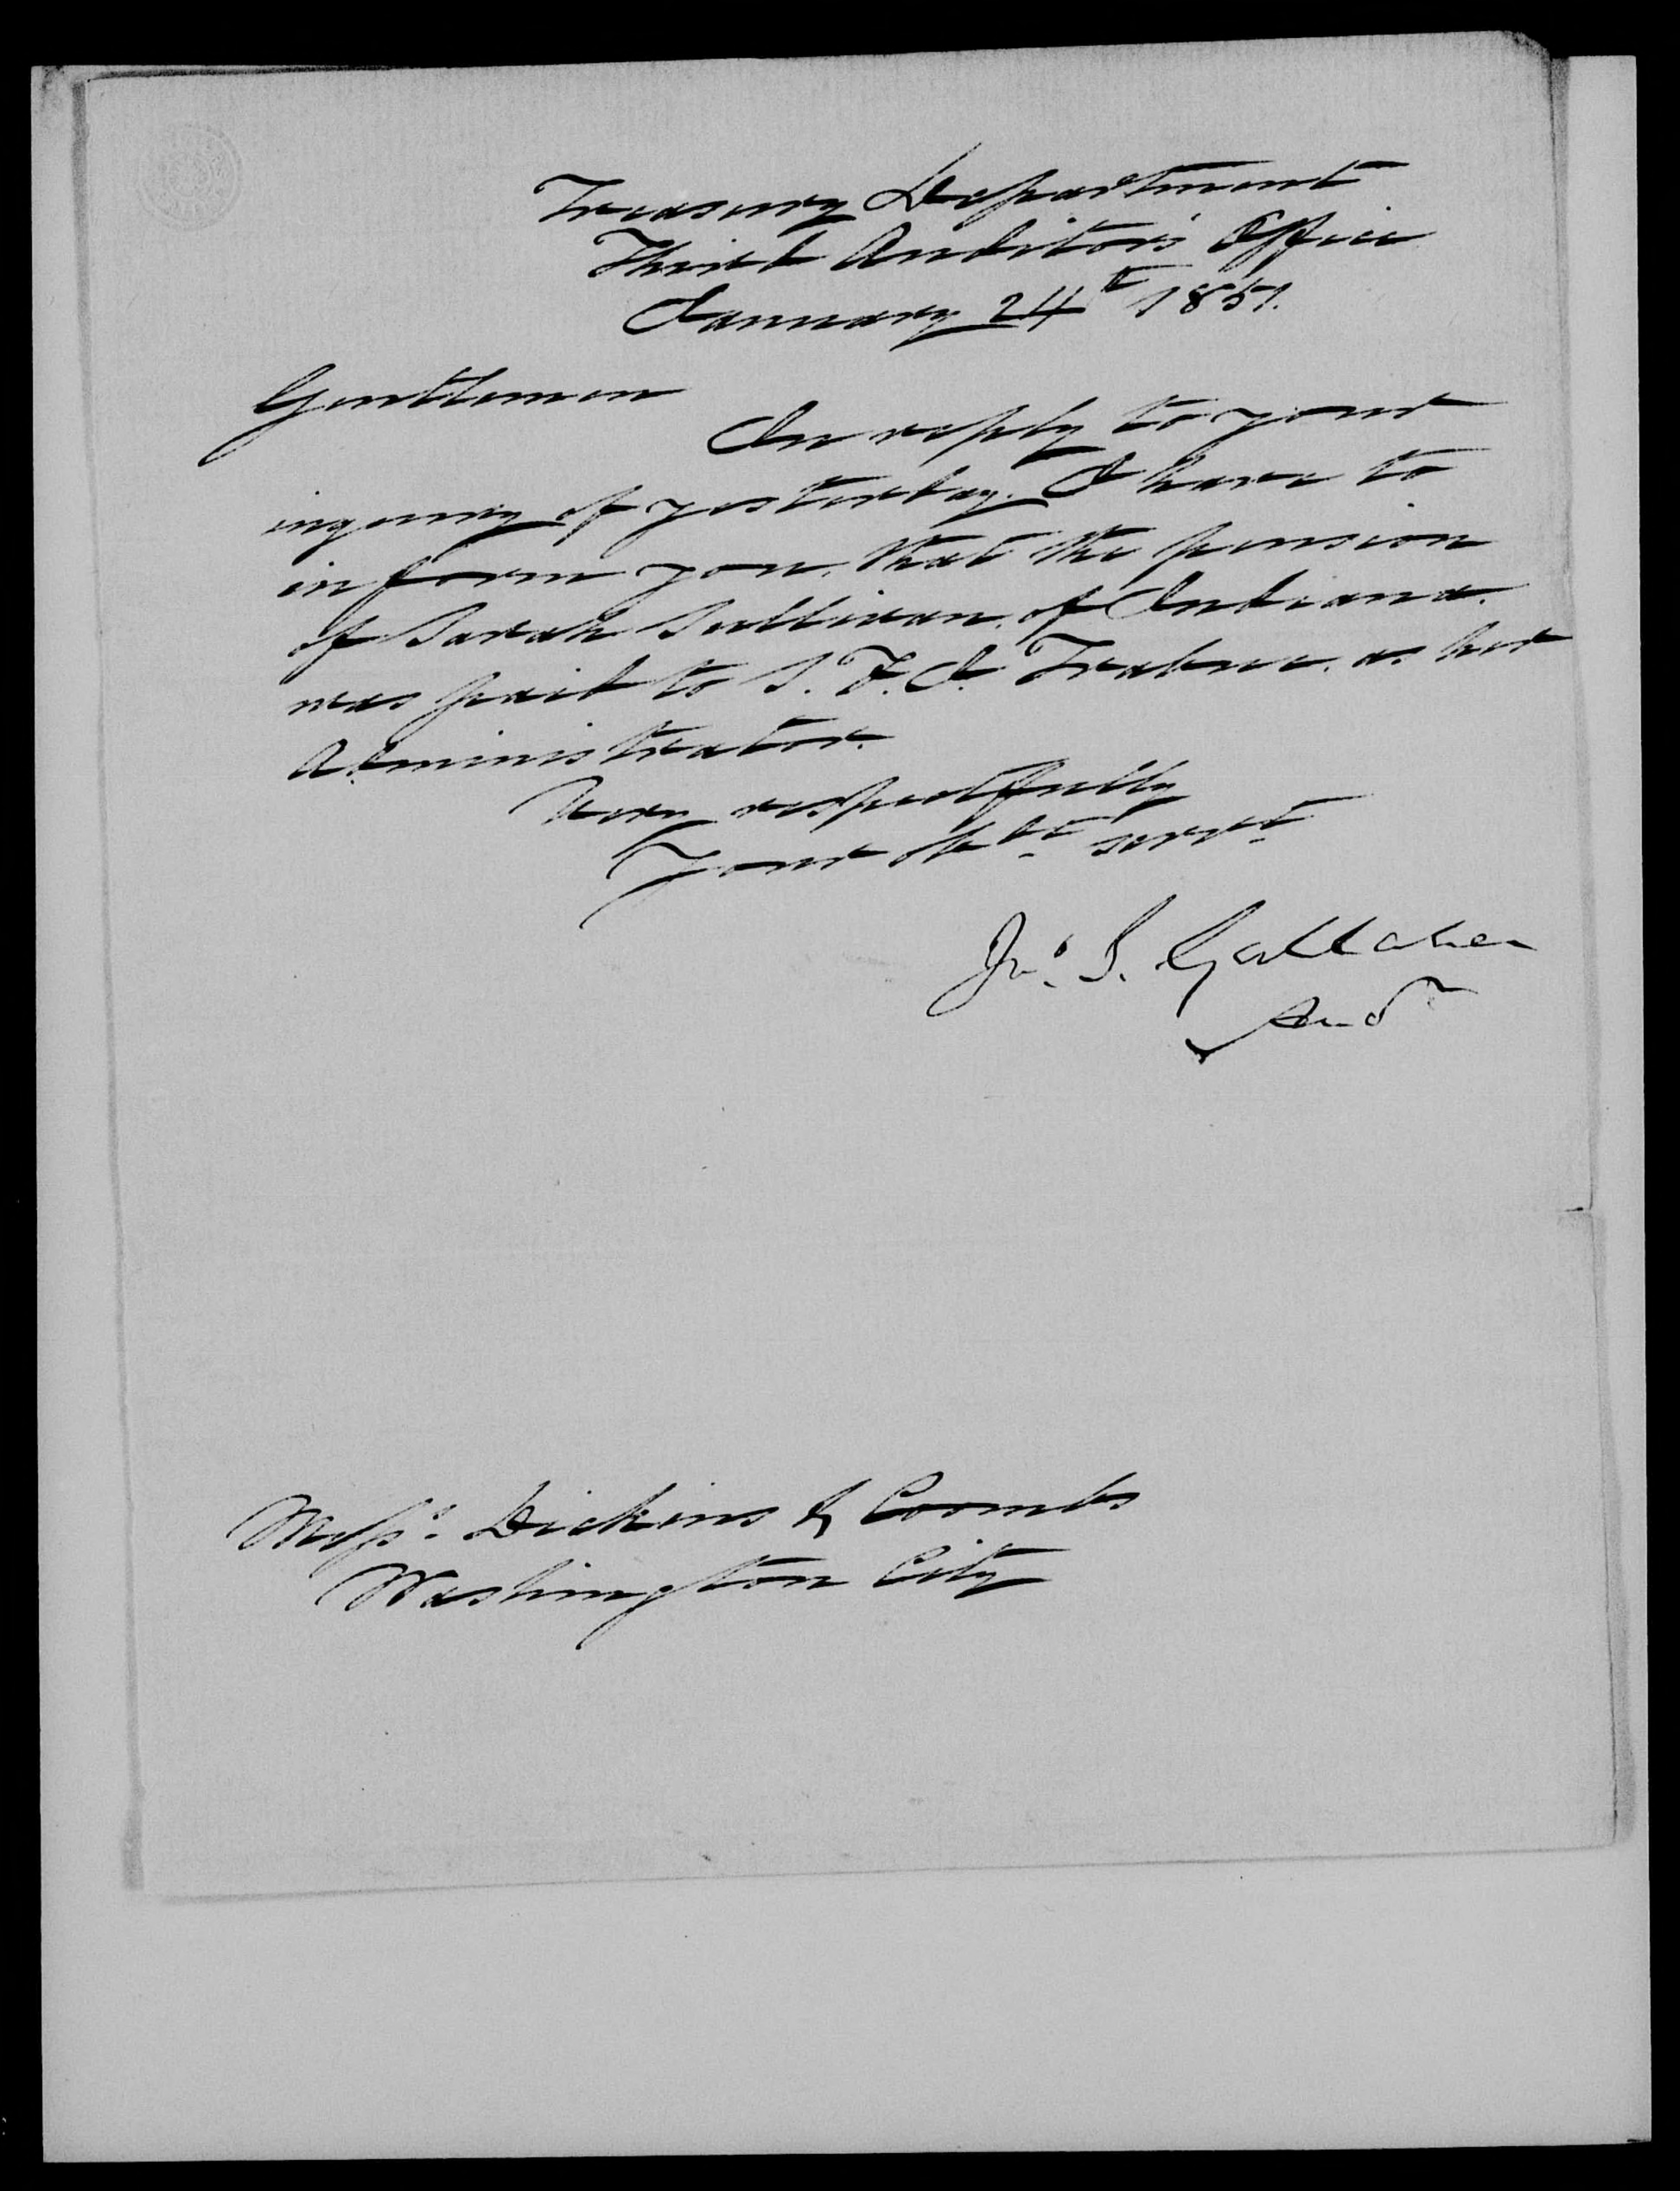Treasury Department
Third Auditors Office
January 24th 1857.

Gentlemen

In reply to your inquiry of yesterday, I have to inform you that the pension of Sarah Sullivan of Indiana was paid to J.F.C. Trabue her last Administrator.
Yours respectfully
Your obt. servt.

J. S. Gallager
Aud [Auditor]
Messrs. Dickins & Combs
Washington City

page: 37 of 78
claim: widow's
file: W. 25,169, for Daniel Sullivan, Maryland